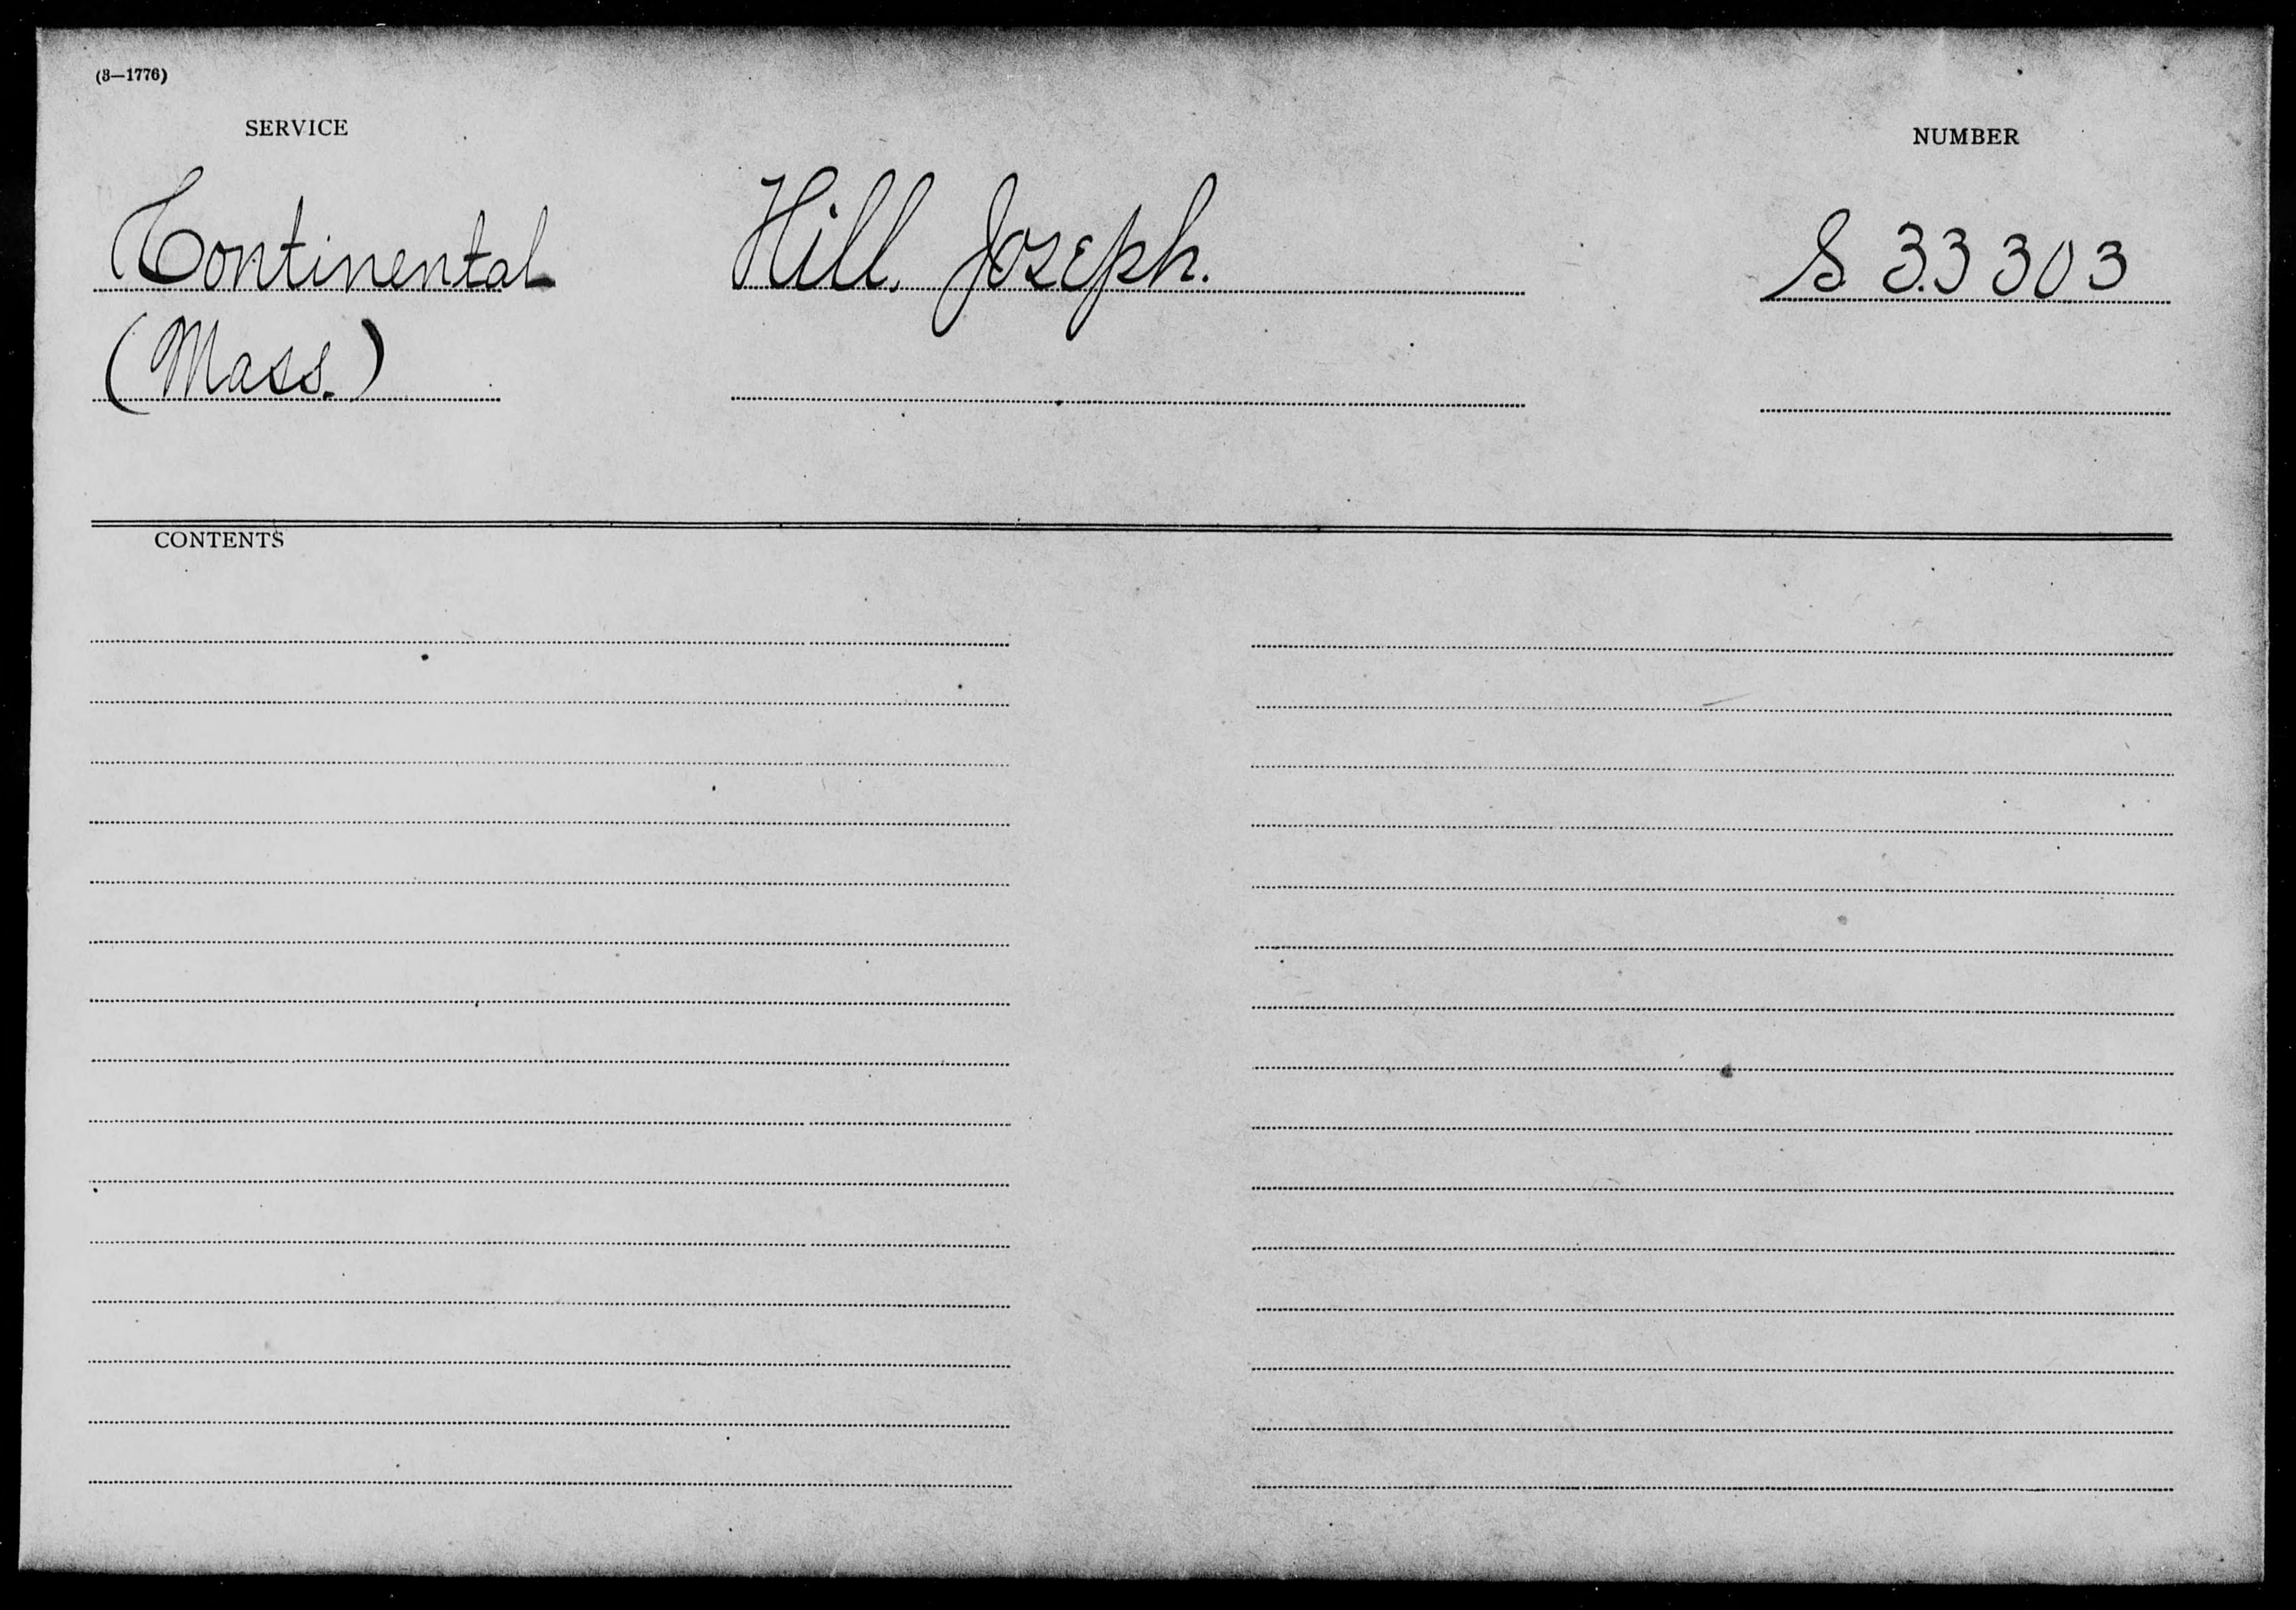Service: Continental (Mass)
Hill, Joseph
S33303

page: 1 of 14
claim: survivor's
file: S. 3,3303, Joseph Hill, Continental (Mass.)